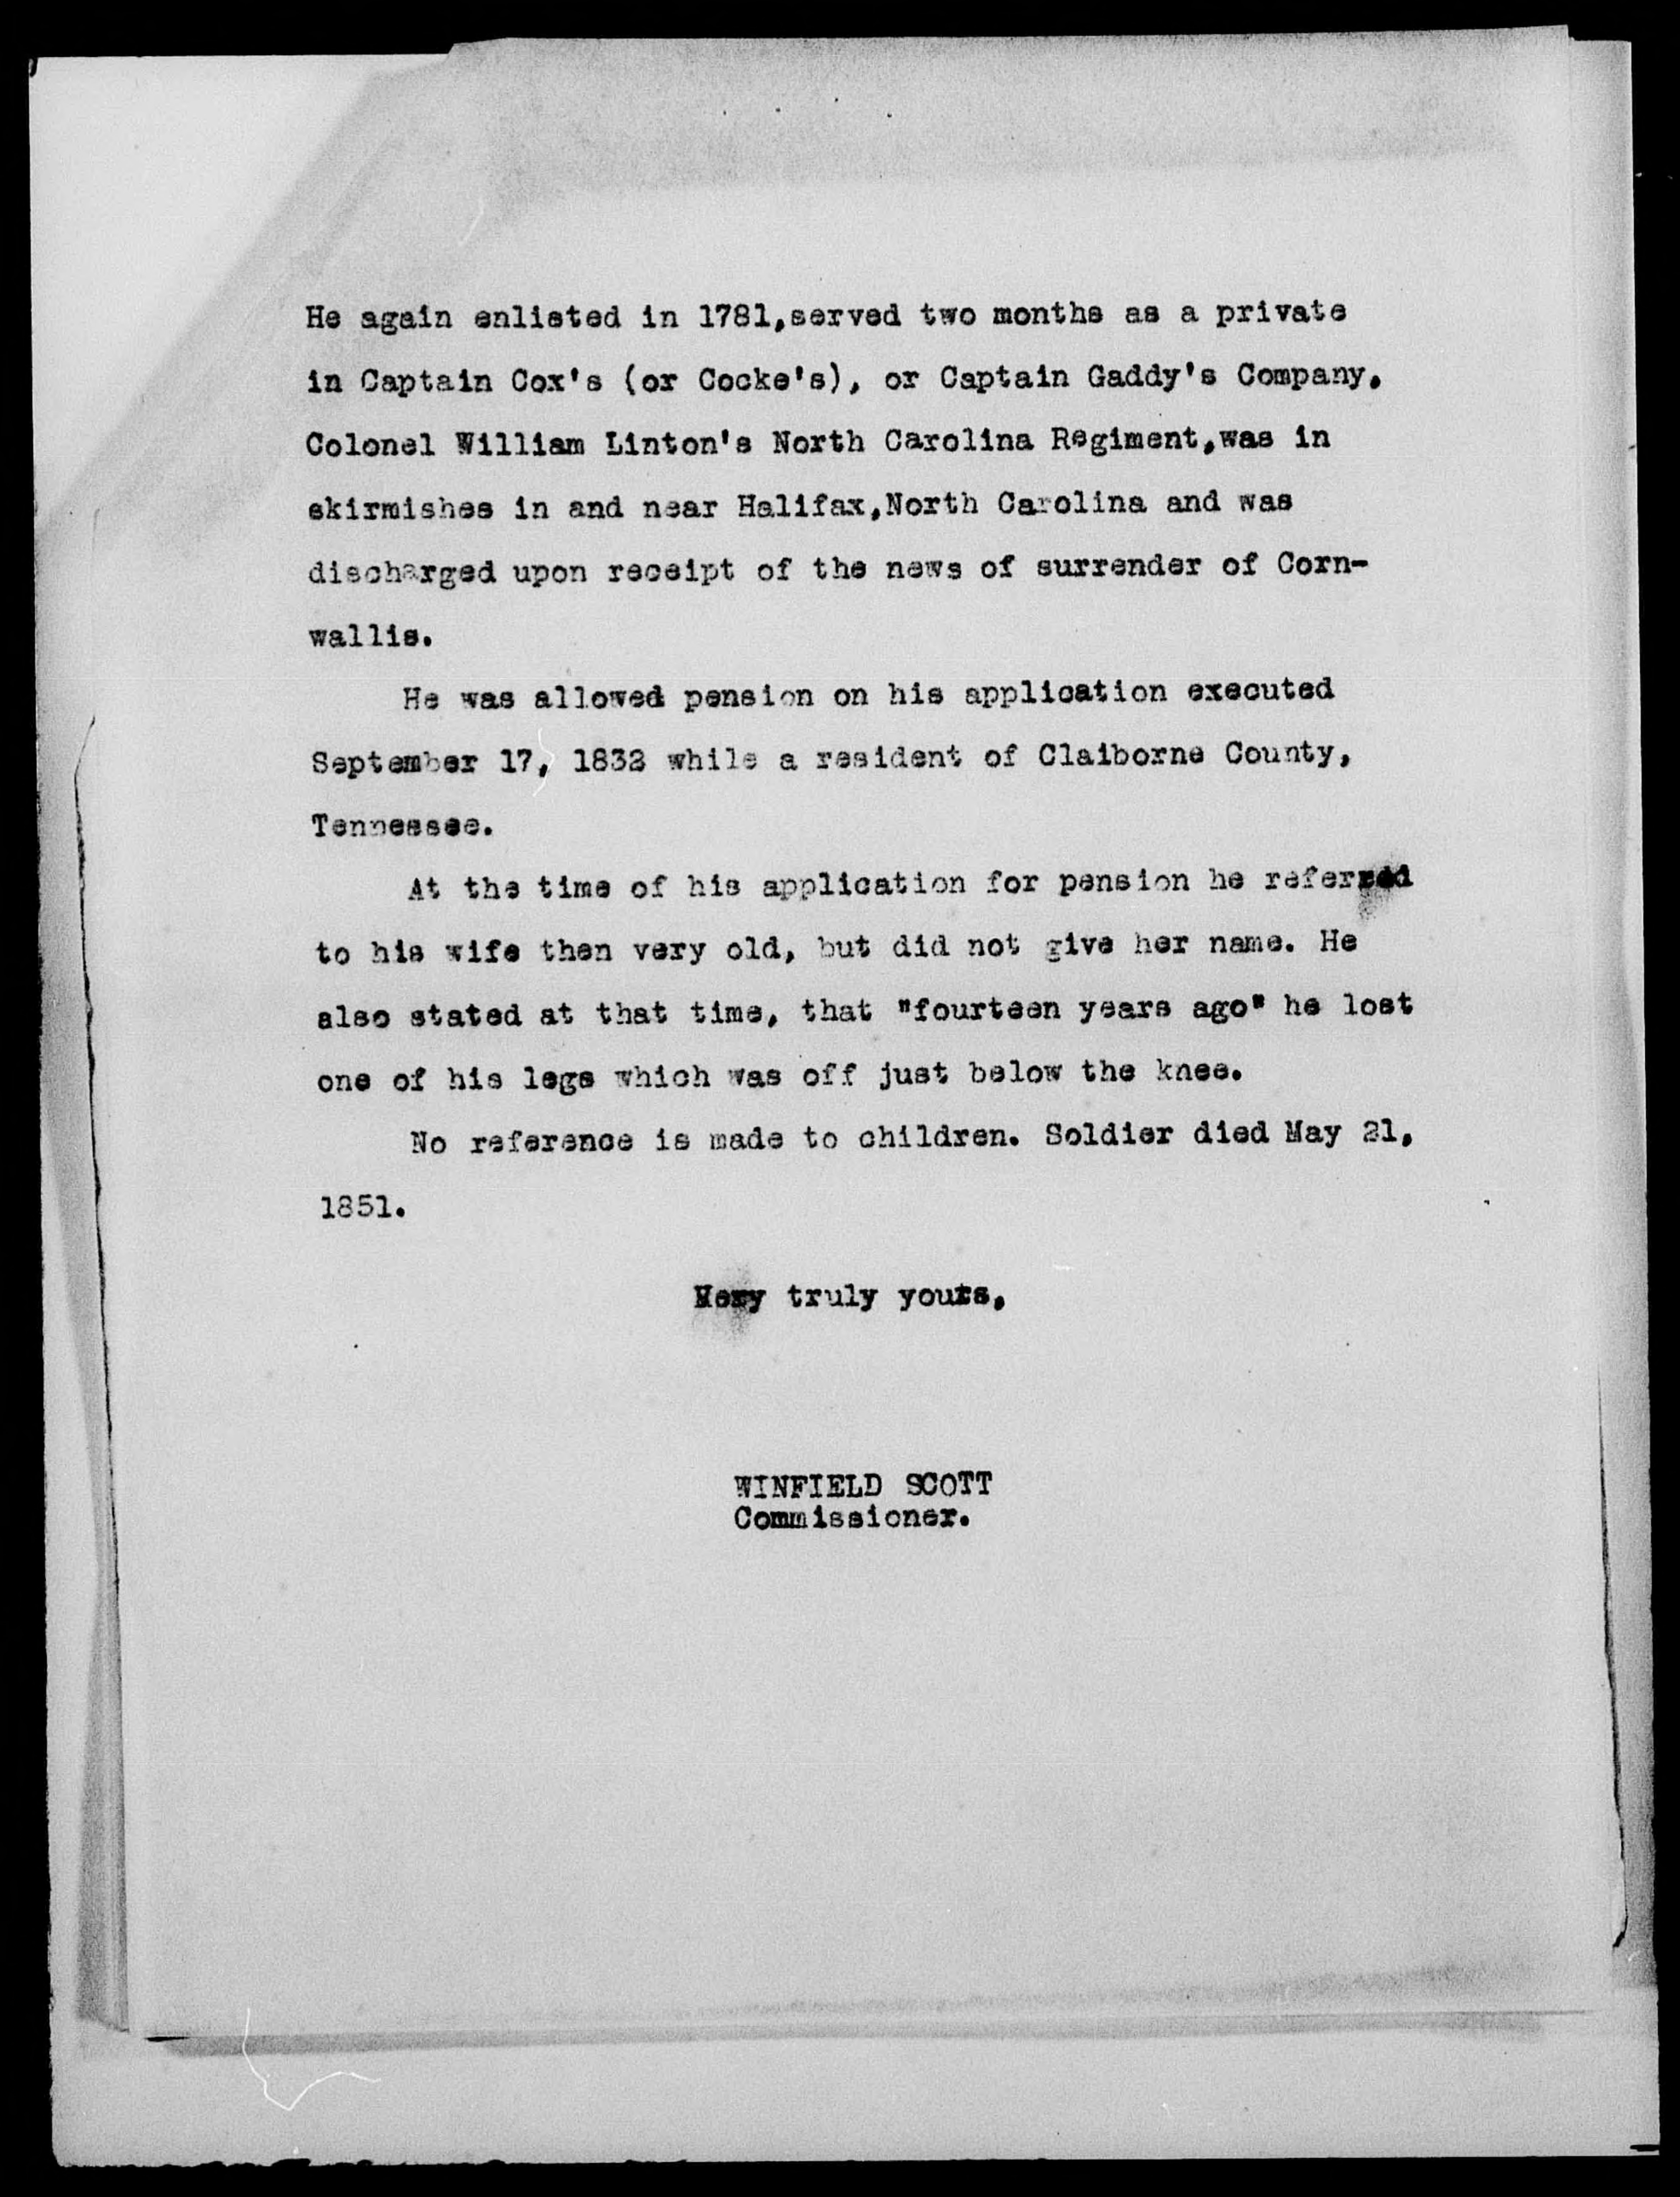He again enlisted in 1781, served two months as a private in Captain Cox's (or Cocke's), or Captain Gaddy's company. Colonel William Linton's North Carolina Regiment, was in skirmishes in and near Halifax, North Carolina and was discharged upon receipt of the news of surrender of Cornwallis.

He was allowed pension on his application executed September 17, 1832 while a resident of Claiborne County, Tennessee.

At the time of his application for pension he referred to his wife then very old, but did not give her name. He also stated at that time, that "fourteen years ago" he lost one of his legs which was off just below the knee.

No reference is made to children. Soldier died May 21, 1851.

Very truly yours,

Winfield Scott
Commissioner.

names: Winfield Scott, Cornwallis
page: 41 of 81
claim: survivor's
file: S. 1908, Richard Harper, N.C.